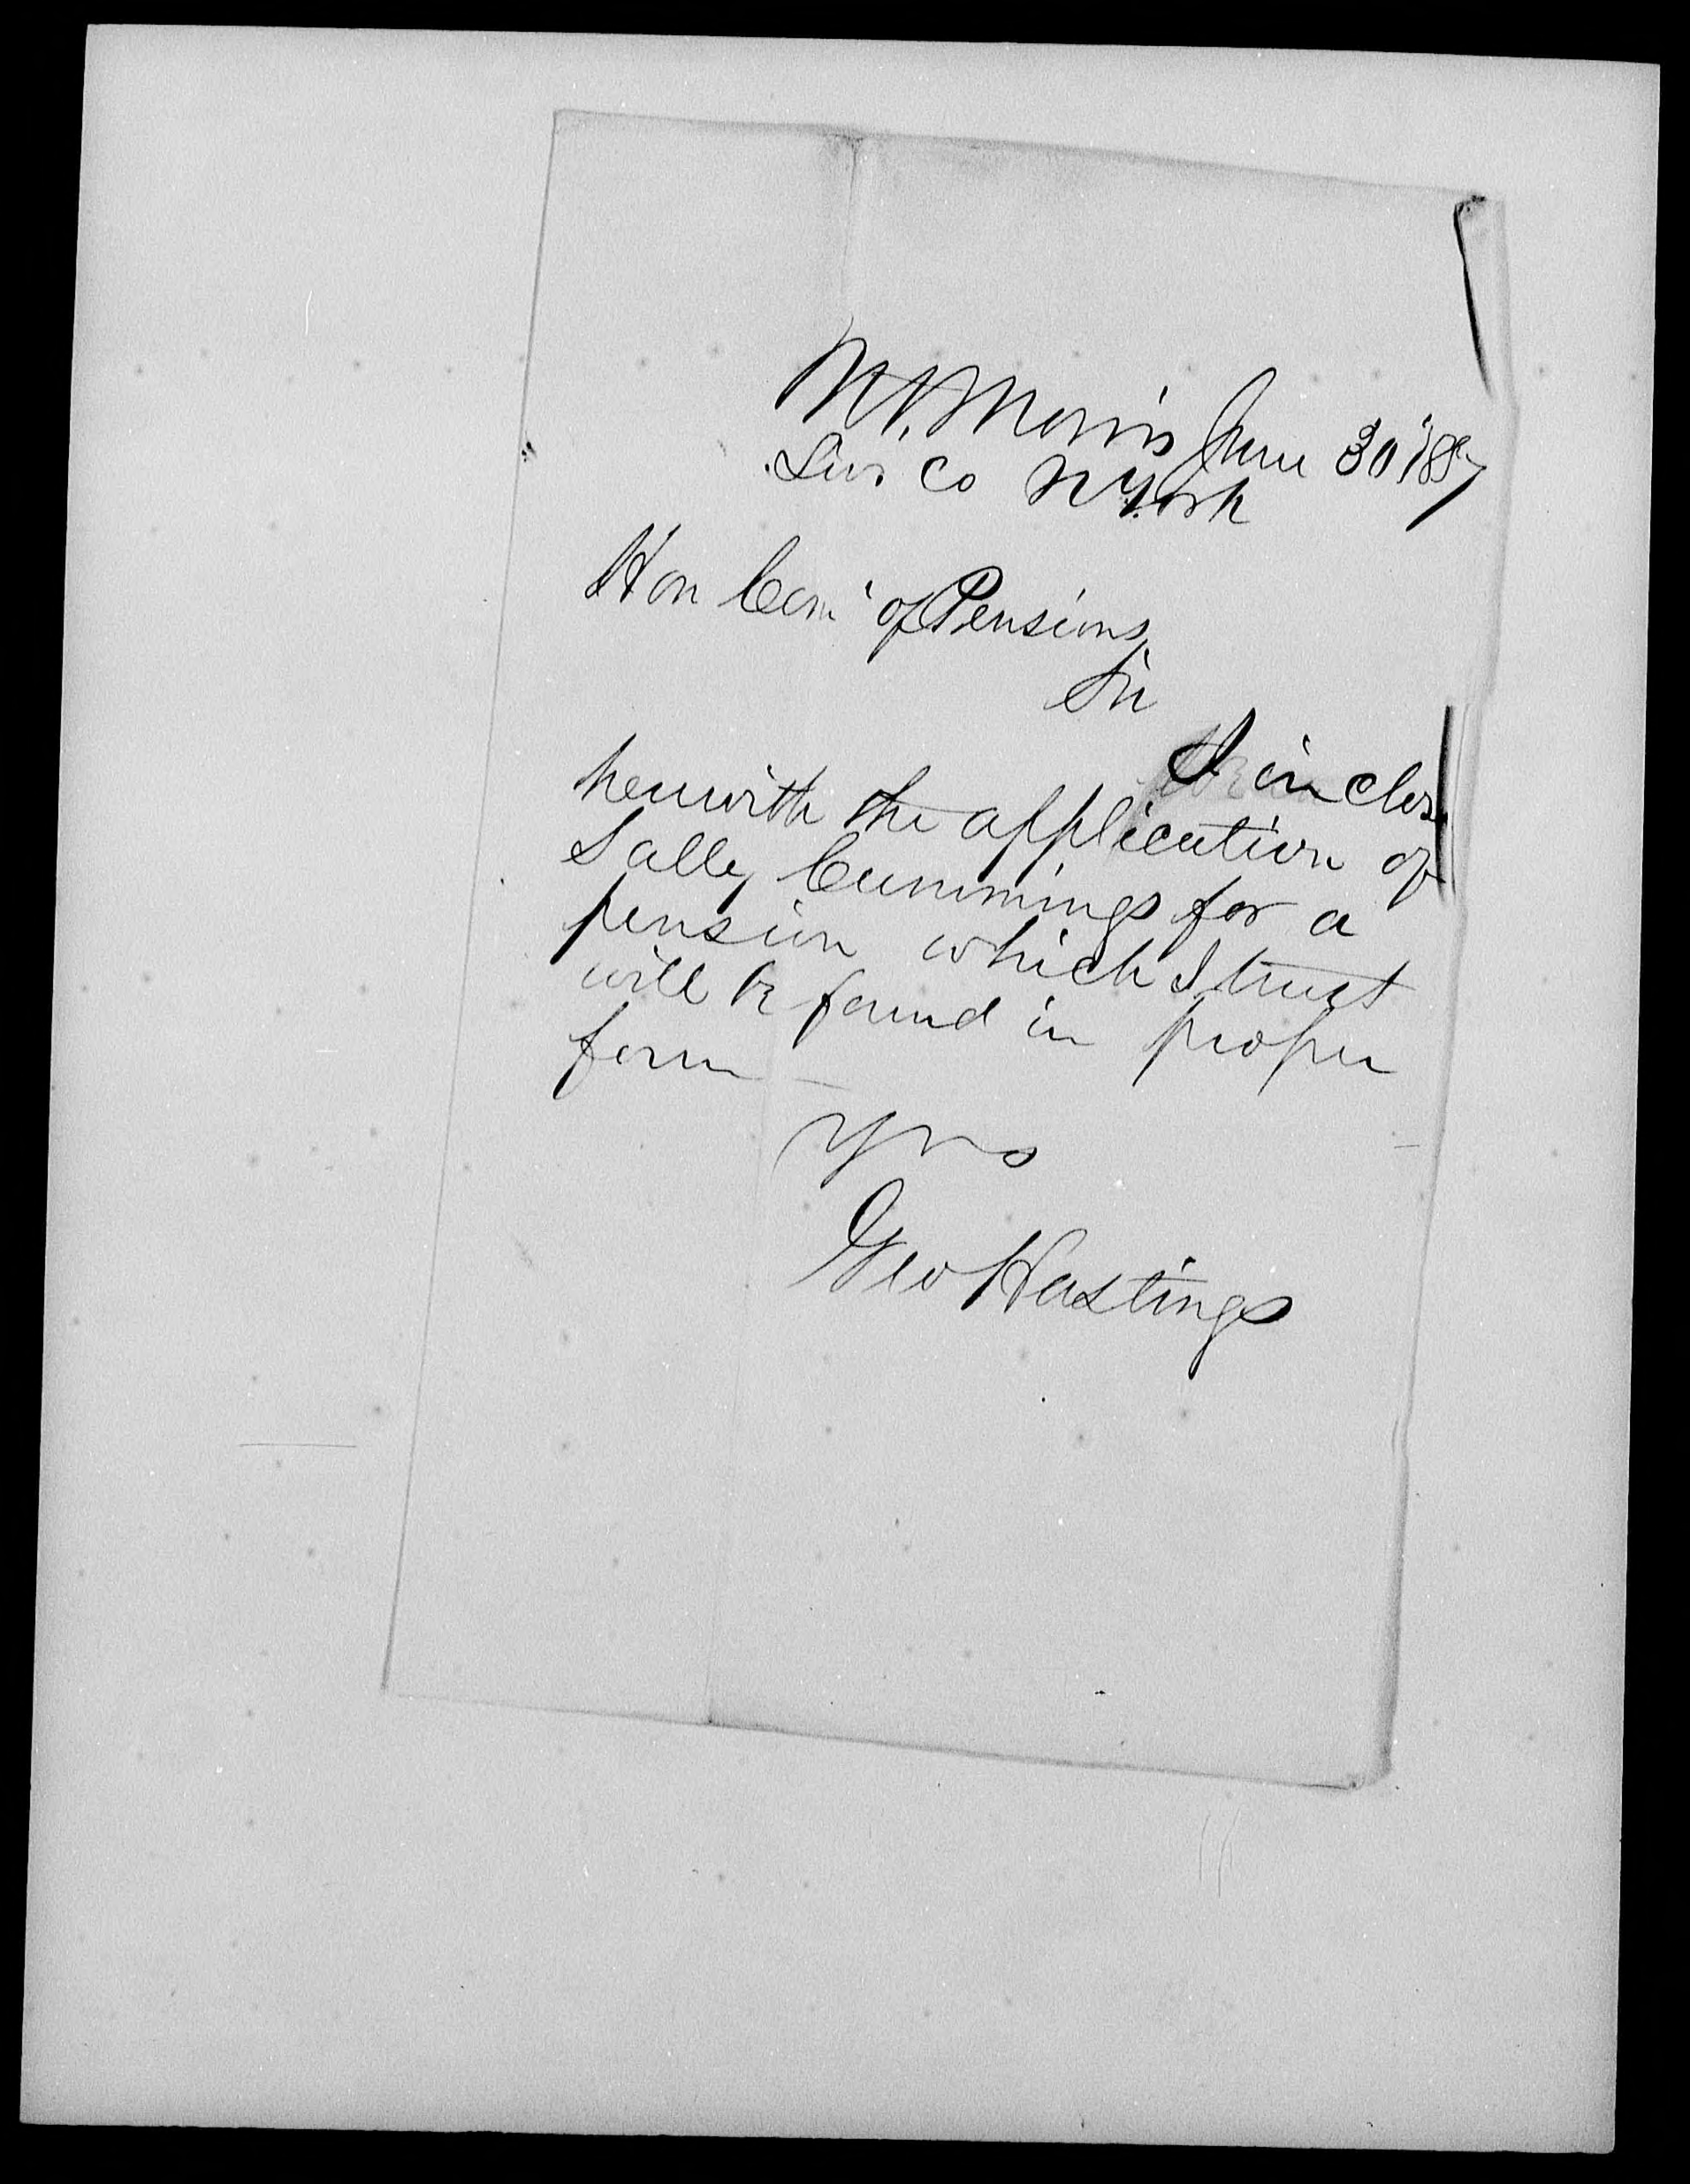W. Morris June 30 187
Lin Co N Y
Hon Com of Pensions
Sir
herewith the application for
Sally Cummings for a
pension which I trust
will be found in
form proper
yrs
Geo Hastings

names: Geo Hastings, Sally Cummings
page: 32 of 41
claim: widow's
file: W. 9819, Nathaniel Cumings, Vt.